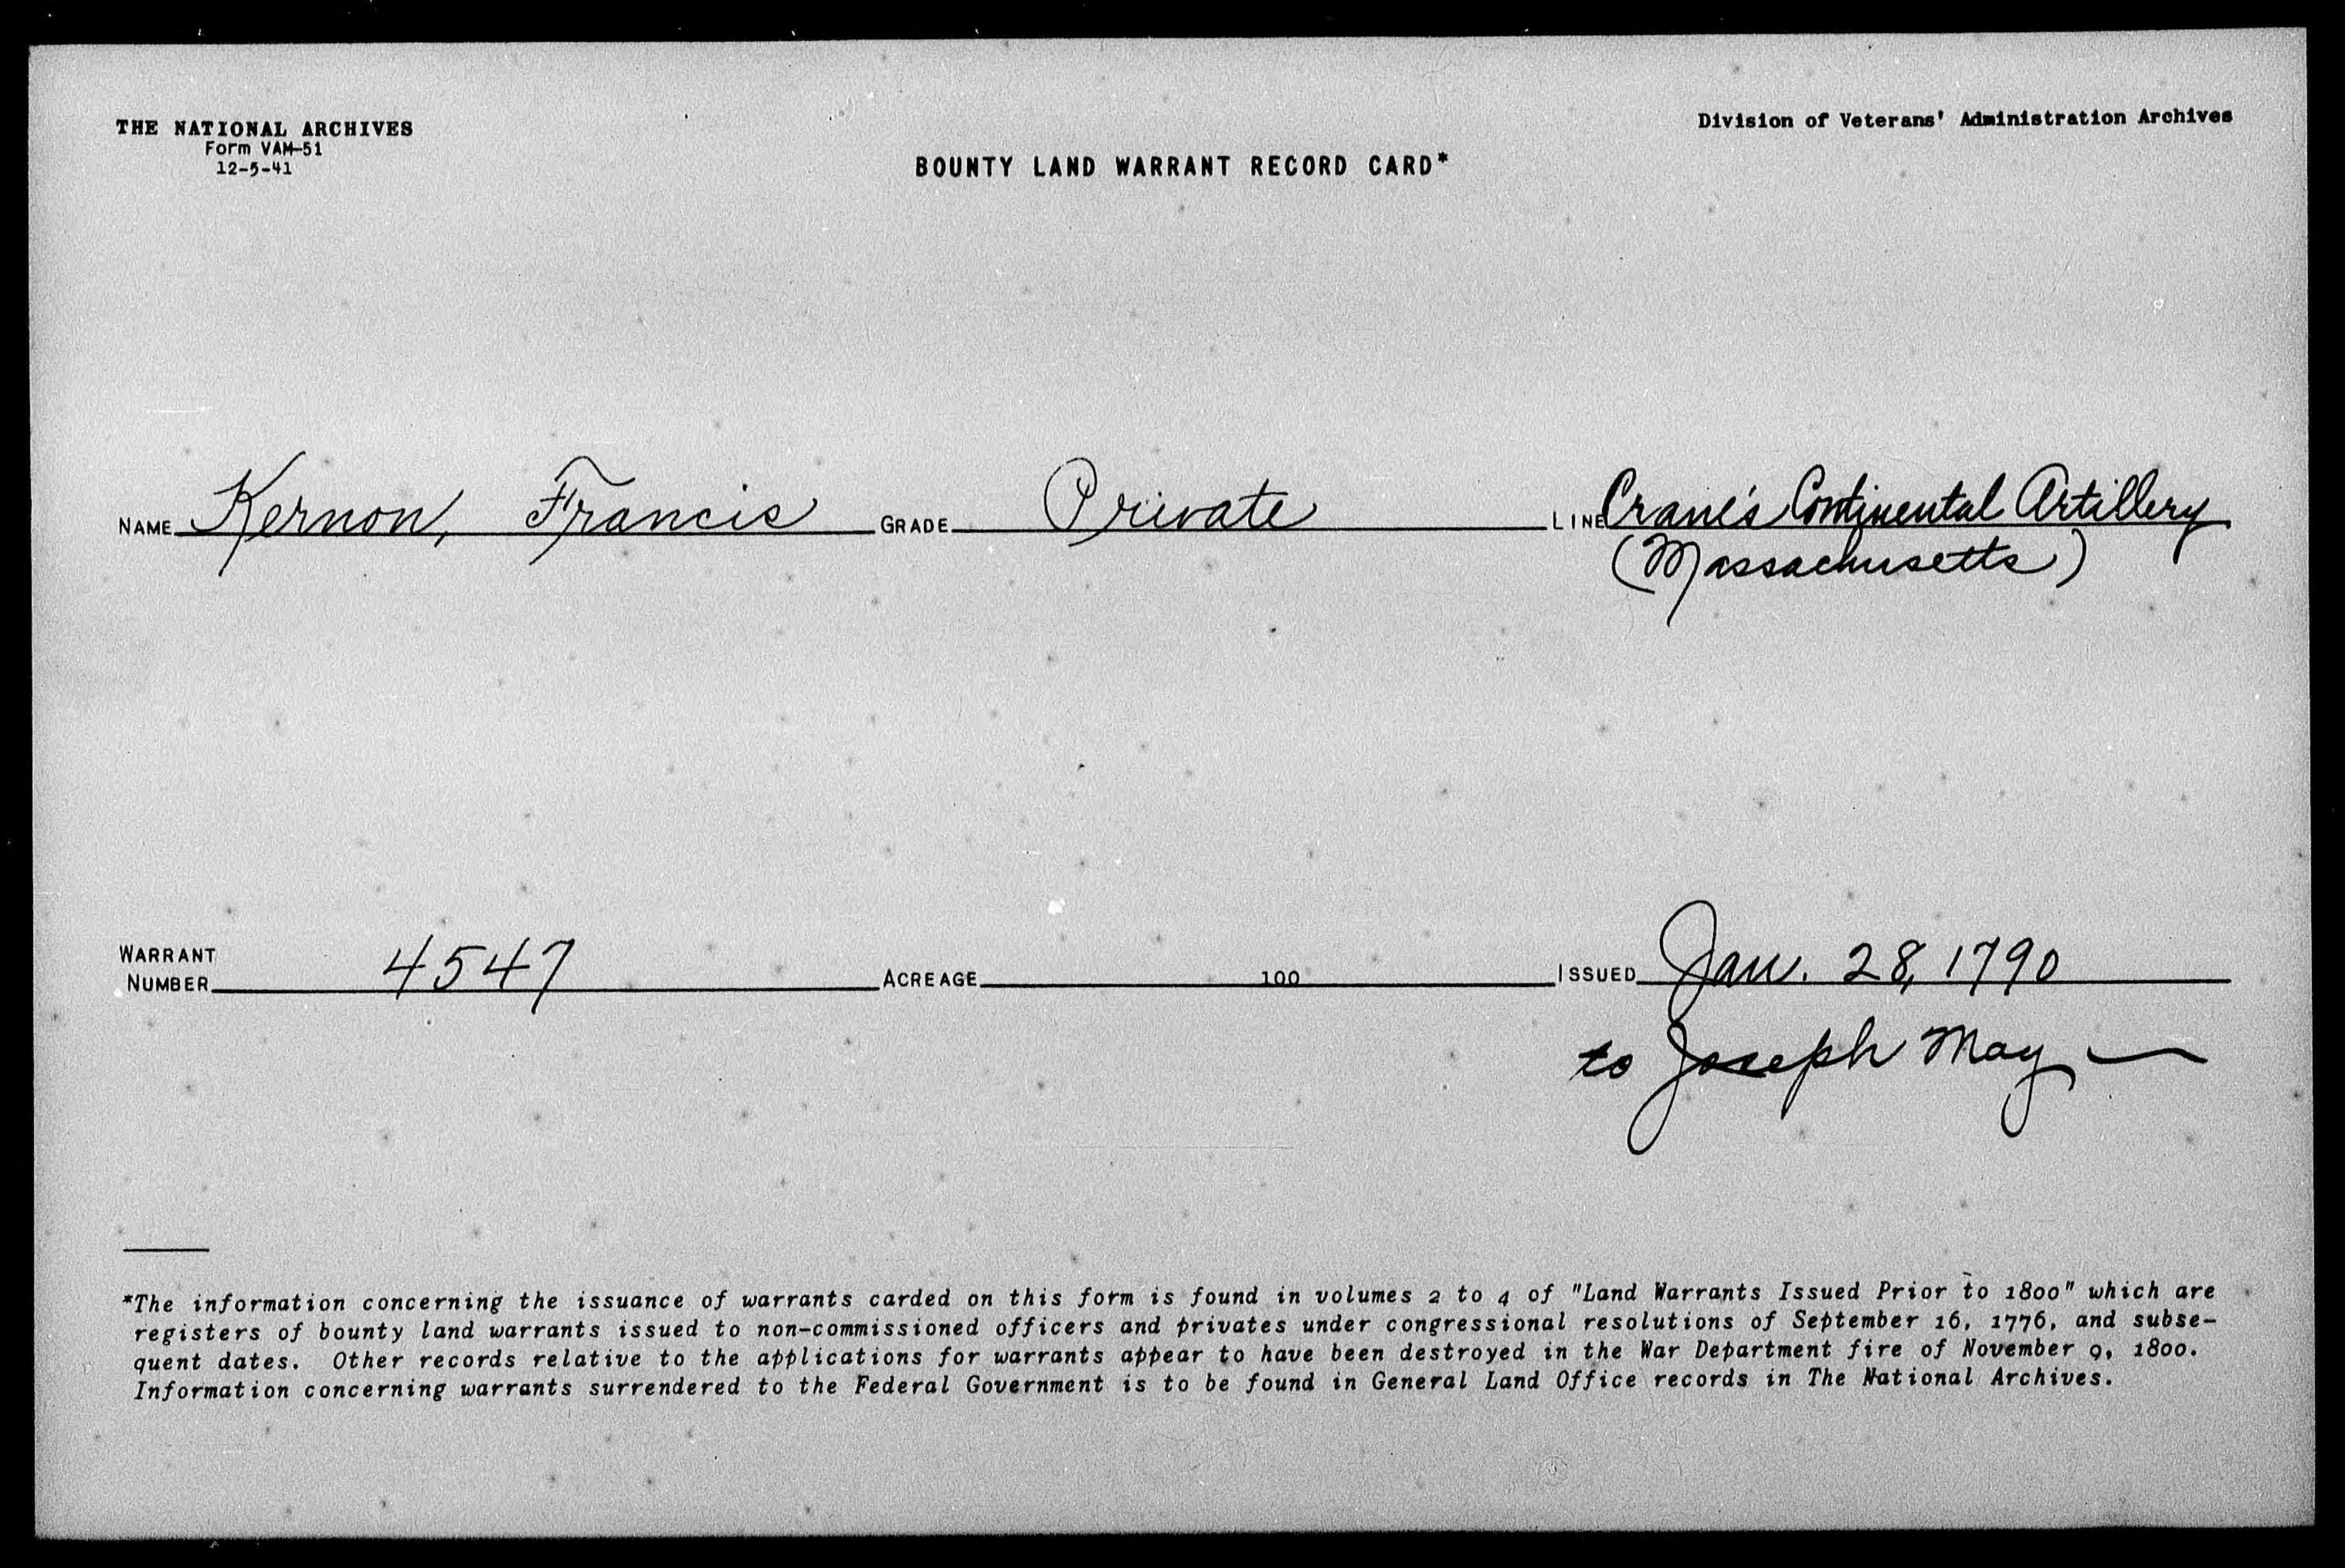THE NATIONAL ARCHIVES
Form VAM-51
12 - 5 - 41
1
N Kernon,
WARRANT
NUMBER
Francis
4547
BOUNTY LAND WARRANT RECORD CARD
GRADE-
ACREAGE
rivate
Division of Veterans' Administration Archives
Crane's Continental Artillery
Massachusetts)
SUED Jan. 28, 1790
to Joseph May
The information concerning the issuance of warrants carded on this form is found in volumes 2 to 4 of ""Land Warrants Issued Prior to 1800"" which are
registers of bounty land warrants issued to non-commissioned officers and privates under congressional resolutions of September 16, 1776, and subsequent
dates. Other records relative to the applications for warrants appear to have been destroyed in the War Department fire of November 9, 1800.
recent currendered to the Federal Government is to be found in General Land Office records in The National Archives.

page: 15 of 15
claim: survivor's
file: S. 33351, for Eder Kernine, New Jersey